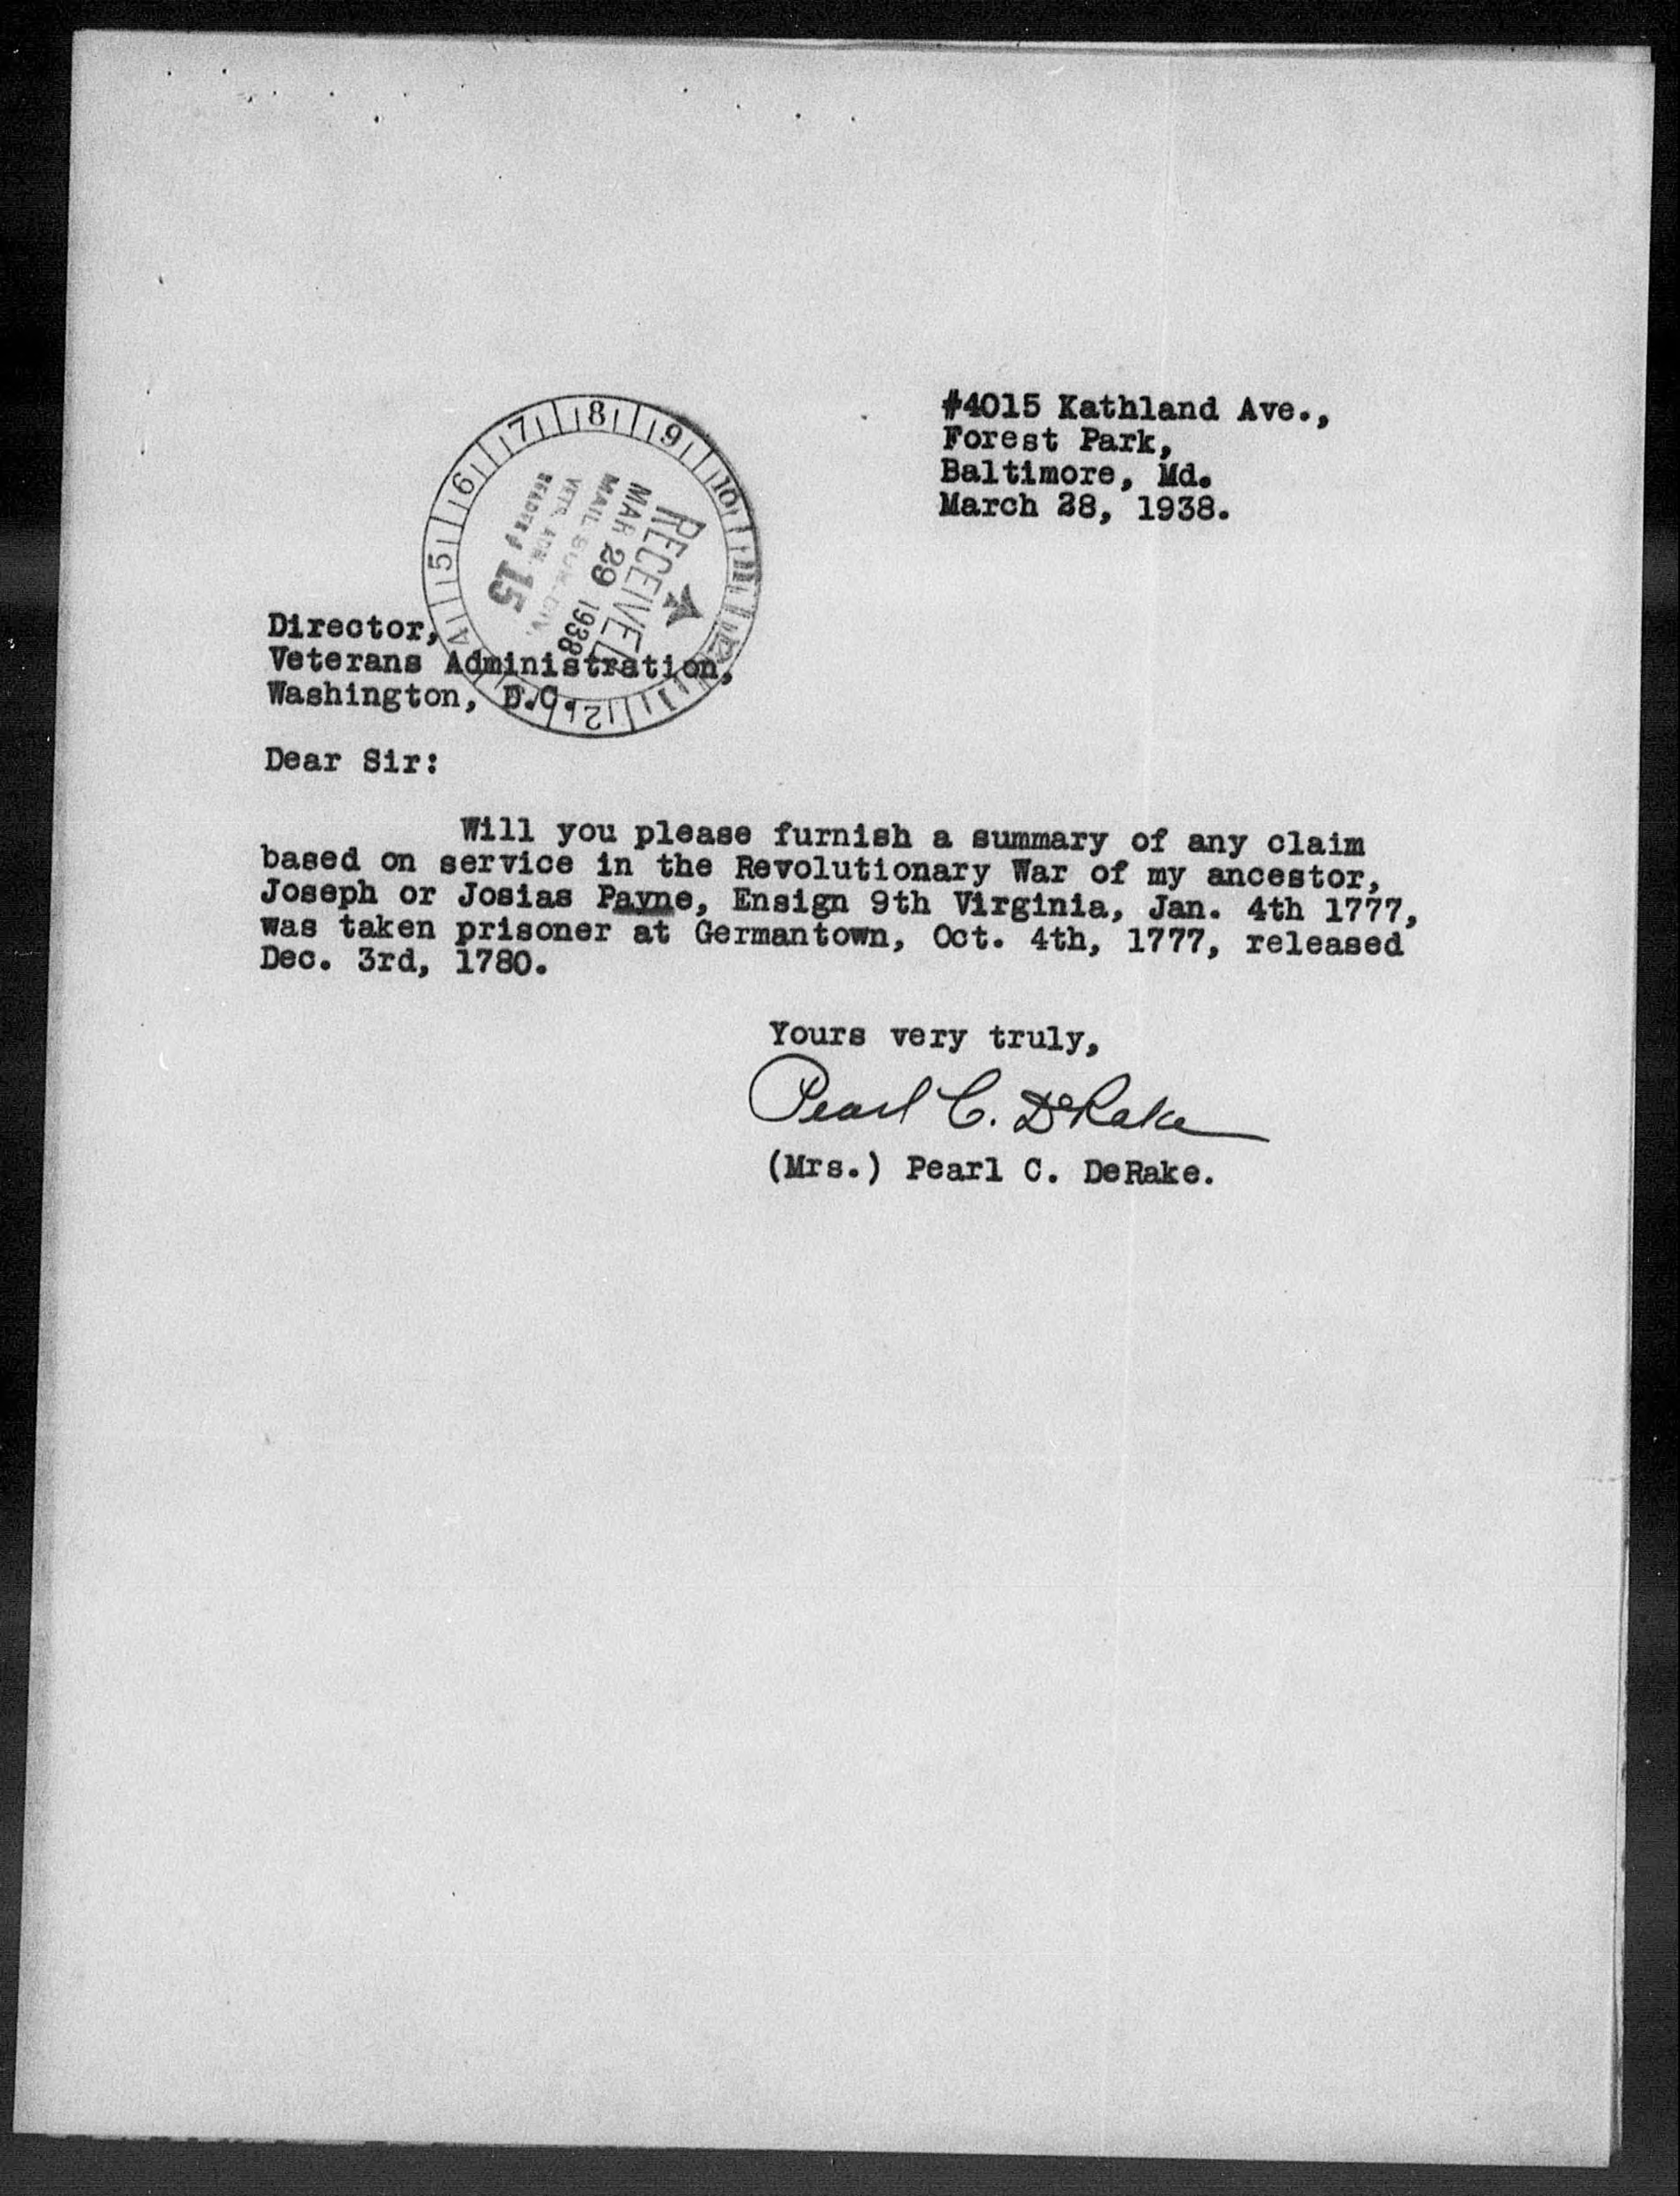#4015 Kathland Ave.,
Forest Park,
Baltimore, Md.

Administrator,
Veterans Administration,
Washington, D. C.

Dear Sir:

Will you please furnish a summary of any claim based on service in the Revolutionary War of my ancestor, Joseph or Josias Payne, Ensign 9th Virginia, Jan. 4th 1777, was taken prisoner at Germantown, Oct. 4th, 1777, released Dec. 3rd, 1780.

Yours very truly,
Pearl C. DeRake [signature]
(Mrs.) Pearl C. DeRake.


RECEIVED 
MAR 29 1938
MAIL SUB-DIV.
VETS ADM.
READER 15 [ink stamp]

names: Joseph Payne, Pearl C De Rake, Josias Payne, Pearl C De Rake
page: 53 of 71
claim: widow's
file: W. 25310, Claudius Buster, Va.